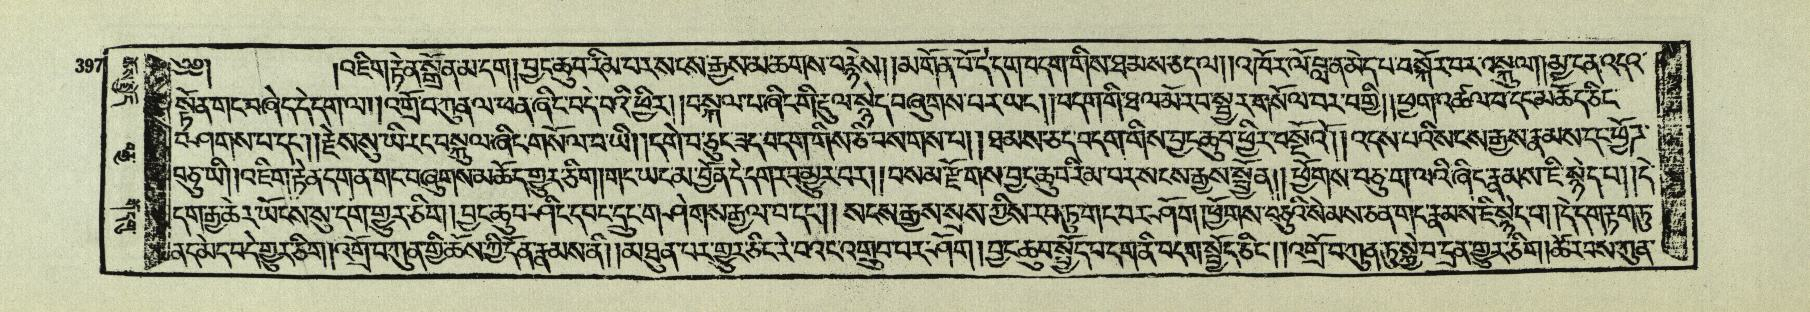༄༅། །འཇིག་རྟེན་སྒྲོན་མ་དག །བྱང་ཆུབ་རིམ་པར་སངས་རྒྱས་མ་ཆགས་བརྙེས། །མགོན་པོ་དེ་དག་བདག་གིས་ཐམས་ཅད་ལ། །འཁོར་ལོ་བླ་ན་མེད་པ་བསྐོར་བར་བསྐུལ། །མྱ་ངན་འདའ་
སྟོན་གང་བཞེད་དེ་དག་ལ། །འགྲོ་བ་ཀུན་ལ་ཕན་ཞིང་བདེ་བའི་ཕྱིར། །བསྐལ་པ་ཞིང་གི་རྡུལ་སྙེད་བཞུགས་པར་ཡང་། །བདག་གི་ཐལ་མོ་རབ་སྦྱར་གསོལ་བར་བགྱི། །ཕྱག་འཚལ་བ་དང་མཆོད་ཅིང་
བཤགས་པ་དང་། །རྗེས་སུ་ཡི་རང་བསྐུལ་ཞིང་གསོལ་བ་ཡི། །དགེ་བ་ཅུང་ཟད་བདག་གིས་ཅི་བསགས་པ། །ཐམས་ཅད་བདག་གིས་བྱང་ཆུབ་ཕྱིར་བསྔོའོ། །འདས་པའི་སངས་རྒྱས་རྣམས་དང་ཕྱོཌ་
བཅུ་ཡི། །འཇིག་རྟེན་དག་ན་གང་བཞུགས་མཆོད་གྱུར་ཅིག །གང་ཡང་མ་བྱོན་དེ་དག་རབ་མྱུར་བར། །བསམ་རྫོགས་བྱང་ཆུབ་རིམ་པར་སངས་རྒྱས་སྦྱོན། །ཕྱོགས་བཅུ་ག་ལའི་ཞིང་རྣམས་ཇི་སྙེད་པ། །དེ་
དག་རྒྱ་ཆེར་ཡོངས་སུ་དག་གྱུར་ཅིག །བྱང་ཆུབ་ཤིང་དབང་དྲུང་གཤེགས་རྒྱལ་བ་དང་། །སངས་རྒྱས་སྲས་ཀྱིས་རབ་ཏུ་གང་བར་ཤོག །ཕྱོགས་བཅུའི་སེམས་ཅན་གང་རྣམས་ཇི་སྙེད་པ། །དེ་དག་རྟག་ཏུ་
ནད་མེད་བདེ་གྱུར་ཅིག །འགྲོ་བ་ཀུན་གྱི་ཆོས་ཀྱི་དོན་རྣམས་ནི། །མཐུན་པར་གྱུར་ཅིང་རེ་བའང་འགྲུབ་པར་ཤོག །བྱང་ཆུབ་སྤྱོད་པ་དག་ནི་བདག་སྤྱོད་ཅིང་། །འགྲོ་བ་ཀུན་ཏུ་སྐྱེ་བ་དྲན་གྱུར་ཅིག །ཚེ་རབས་ཀུན་